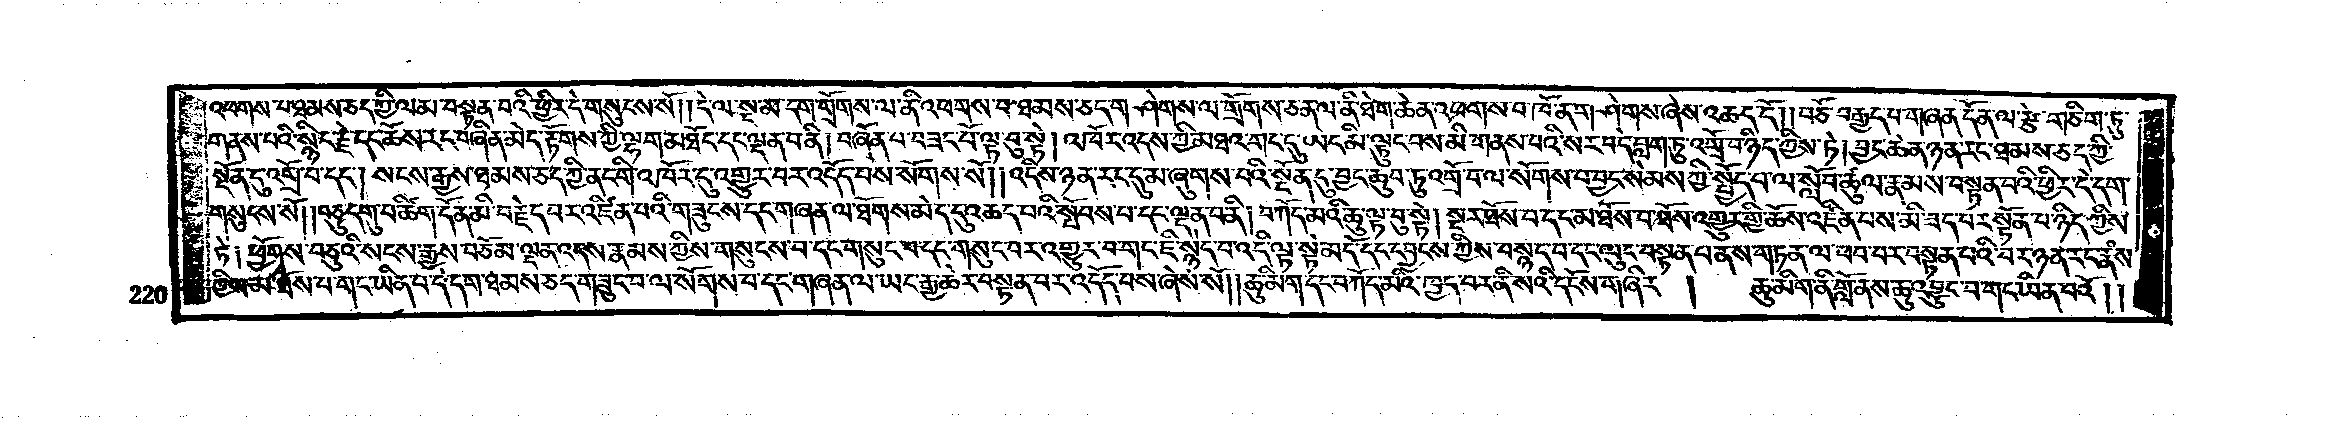འཕགས་པ་ཐམས་ཅད་ཀྱི་ལམ་བསྟན་པའི་ཕྱིར་དེ་གསུངས་སོ། །དེ་ལ་སྔ་མ་དག་གྲོགས་ལ་ནི་འཕགས་པ་ཐམས་ཅད་གཤེགས་ལ་གྲོགས་ཅན་ལ་ནི་ཐེག་ཆེན་འཕགས་པ་ཁོ་ན་གཤེགས་ཞེས་འཆད་དོ། །བཅོ་བརྒྱད་པ་གཞན་དོན་ལ་རྩེ་གཅིག་ཏུ་
གནས་པའི་སྙིང་རྗེ་དང་ཆོས་རང་བཞིན་མེད་རྟོགས་ཀྱི་ལྷག་མཐོང་དང་ལྡན་པ་ནི། བཞོན་པ་བཟང་པོ་ལྟ་བུ་སྟེ། འཁོར་འདས་ཀྱི་མཐའ་གང་དུ་ཡང་མི་ལྟུང་བས་མི་གནས་པའི་སར་བདེ་བླག་ཏུ་འགྲོ་བ་ཉིད་ཀྱིས་ཏེ། བྱང་ཆེན་ཉན་རང་ཐམས་ཅད་ཀྱི་
སྔོན་དུ་འགྲོ་བ་དང་། སངས་རྒྱས་ཐམས་ཅད་ཀྱི་ནང་གི་འཁོར་དུ་འགྱུར་བར་འདོད་པས་སོགས་སོ། །འདིས་ཉན་རང་དུ་མ་ཞུགས་པའི་སྔན་དུ་བྱང་ཆུབ་ཏུ་འགྲོ་བ་ལ་སོགས་པ་བྱང་སེམས་ཀྱི་སྤྱོད་པ་ལ་སློབ་ཚུལ་རྣམས་བསྟན་པའི་ཕྱིར་དེ་དག་
གསུངས་སོ། །བཅུ་དགུ་པ་ཚིག་དོན་མི་བརྗེད་པར་འཛིན་པའི་གཟུངས་དང་གཞན་ལ་ཐོགས་མེད་དུ་འཆད་པའི་སྤོབས་པ་དང་ལྡན་པ་ནི། བཀོད་མའི་ཆུ་ལྟ་བུ་སྟེ། སྔར་ཐོས་པ་དང་མ་ཐོས་པ་ཐོས་འགྱུར་གྱི་ཆོས་འཛིན་པས་མི་ཟད་པར་སྟོན་པ་ཉིད་ཀྱིས་
ཏེ། ཕྱོགས་བཅུའི་སངས་རྒྱས་བཅོམ་ལྡན་འདས་རྣམས་ཀྱིས་གསུངས་པ་དང་གསུང་བ་དང་གསུང་བར་འགྱུར་བ་གང་ཇི་སྙེད་པ་འདི་ལྟ་སྟེ་མདོ་དང་དབྱངས་ཀྱིས་བསྙད་པ་དང་ལུང་བསྟན་པ་ནས་གཏན་ལ་ཕབ་པར་བསྟན་པའི་བར་ཉན་རང་རྣམས་
ཀྱིས་མ་ཐོས་པ་གང་ཡིན་པ་དེ་དག་ཐམས་ཅད་གཟུང་བ་ལ་སོགས་པ་དང་གཞན་ལ་ཡང་རྒྱ་ཆེར་བསྟན་པར་འདོད་པས་ཞེས་སོ། །ཆུ་མིག་དང་བཀོད་མའི་ཁྱད་པར་ནི་སའི་དངོས་གཞིར། ཆུ་མིག་ནི་གློ་ནས་ཆུ་འབྱུང་བ་གང་ཡིན་པའོ། །